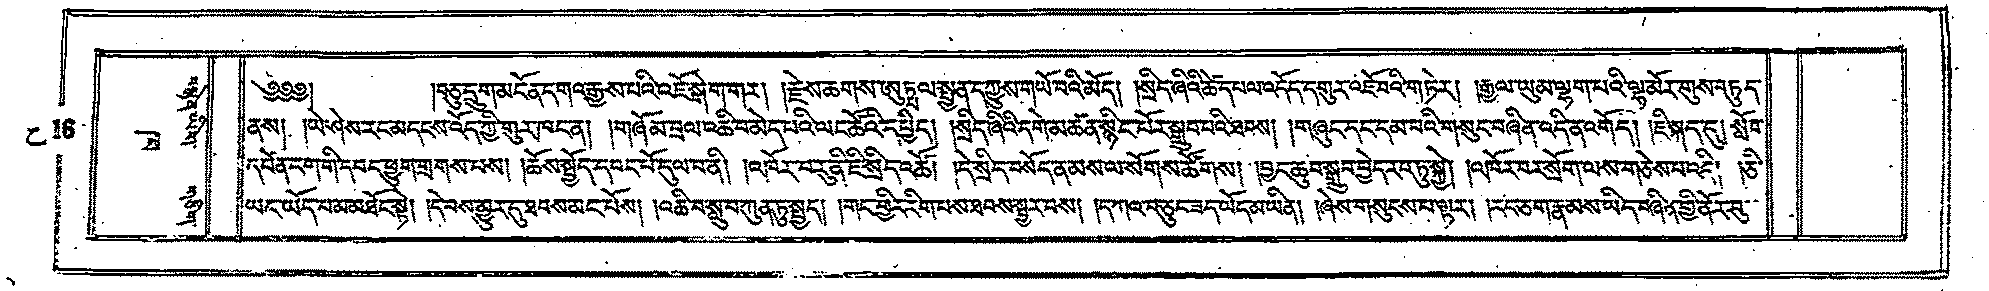༄༅༅། །བཅུ་དྲུག་མངོན་དགའ་རྒྱས་པའི་འཇོ་སྒེག་གར། །རྗེས་ཆགས་ཨུཏྤལ་སྤྱན་དཀྱུས་གཡོ་བའི་མོད། །སྲིད་ཞིའི་ཚེ་དཔལ་འདོད་དགུར་འཇོ་བའི་གཏེར། །རྒྱལ་ཡུམ་ལྷག་པའི་ལྷ་མོར་གུས་བཏུད་
ནས། །ཡེ་ཤེས་རང་མདངས་འོད་ཀྱི་གུར་ཁང་ན། །གཞོམ་བྲལ་འཆི་བ་མེད་པའི་ལང་ཚོའི་དཔྱིད། །སྲིད་ཞིའི་དགེ་མཚན་སྙིང་པོར་སྒྲུབ་པའི་ཐབས། །གཞུང་དང་དམ་པའི་གསུང་བཞིན་འདི་ན་འགོད། །ཇི་སྐད་དུ། སློབ་
དཔོན་ངག་གི་དབང་ཕྱུག་གྲགས་པས། །ཆོས་སྤྱོད་དབང་པོ་དུལ་བ་ནི། །འཁོར་བ་རུ་ནི་ཇི་སྲིད་འཚོ། །དེ་སྲིད་བསོད་ནམས་ལ་སོགས་ཚོགས། །བྱང་ཆུབ་སྒྲུབ་བྱེད་རབ་ཏུ་སྐྱེ། །འཁོར་བར་སྲོག་ལས་གཅེས་པ་འདི། །ཅི་
ཡང་ཡོད་པ་མ་མཐོང་སྟེ། །དེ་བས་མྱུར་དུ་ཐབས་མང་པོས། །འཆི་བ་སླུ་བ་ཀུན་ཏུ་སྤྱད། །གང་ཕྱིར་རིག་པས་ཐབས་སྦྱར་བས། །དཀའ་བ་ཅུང་ཟད་ཡོད་མ་ཡིན། །ཞེས་གསུངས་པ་ལྟར། །རང་ཅག་རྣམས་ཡིད་བཞིན་གྱི་ནོར་བུ་་་